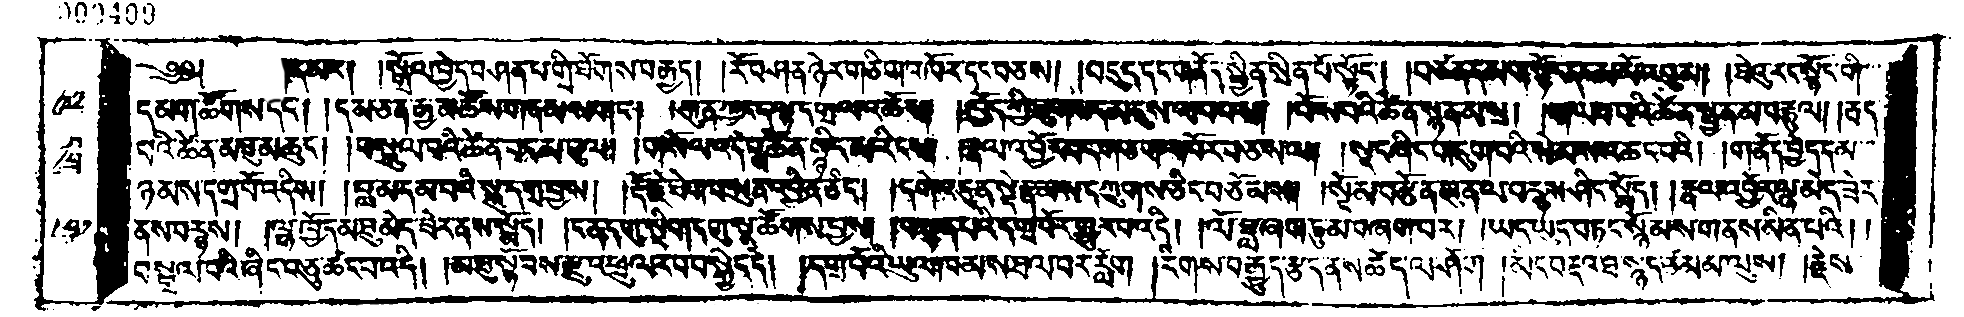༄༅། །དམར། །སྒྲོལ་བྱེད་བཤན་པ་གྲི་ཐོགས་བརྒྱད། །རོ་བཤན་ཉེར་གཅིག་འཁོར་དང་བཅས། །བདུད་དང་གནོད་སྦྱིན་སྲིན་པོ་སྟོང་། །བཙན་དམག་སྟོང་དང་མ་མོ་འབུམ། །ཐེའུ་རང་སྟོང་གི་
དམག་ཚོགས་དང་། །དམ་ཅན་རྒྱ་མཚོས་གནམས་གང་། །ཀུན་ཀྱང་ད་ལྟ་དགྲ་ལ་འཆོས། །ཁྱོད་ཀྱི་ཐུགས་དམ་དུས་ལ་བབས། །བོས་བའི་ཚེན་སྙན་མ་སྲ། །གཡབ་པའི་ཚེ་ན་སྤྱན་མ་བརྟུལ། །རྦད་
པའི་ཚེ་ན་མཐུ་མཆུང་། །བསྐུལ་བའི་ཚེ་ན་བང་མ་བུལ། །གསོལ་འདེབས་ཚེ་ན་སྙིང་མ་རིངས། །རྣལ་འབྱོར་བདག་ཅག་འཁོར་བཅས་ལ། །སྡང་ཞིང་གདུག་པའི་སེམས་འཆང་བའི། །གནོད་བྱེད་དམ་
ཉམས་དགྲ་བོ་འདིས། །བླ་མ་དམ་པའི་སྐུ་དགྲ་བྱས། །རྡོ་རྗེ་ཐེག་པ་སུན་འབྱིན་ཅིང་། །དགེ་འདུན་སྡེ་རྣམས་དཀྲུགས་ཅིང་བཅོམས། །སྡོམ་བརྩོན་ཀུན་ལ་བརྙས་ཤིང་སྨོད། །རྣལ་འབྱོར་ལྷ་མེད་ཟེར་
ནས་བརྙས། །ལྷ་ཁྱོད་མཐུ་མེད་ཟེར་ནས་སྨོད། །ངན་དགུ་སྡིག་དགུ་སྣ་ཚོགས་བྱས། །བསྟན་པའི་དགྲ་བོར་གྱུར་བ་འདི། །ལོ་ཟླ་ཞག་ཏུ་མ་བཞག་པར། །ཡད་ཡུད་བཏང་སྙོམས་གནས་མིན་པའི། །
བསྒྲལ་བའི་ཞིང་བཅུ་ཚང་བ་འདི། །མཐུ་སྟོབས་རྫུ་འཕྲུལ་རབ་བསྐྱེད་དེ། །དགྲ་བོའི་ཡུལ་ཁམས་ཐལ་བར་རློག །རིགས་བརྒྱུད་རྩད་ནས་ཆོད་ལ་ཤོག །མིང་བརྡའ་ཐ་སྙད་ཙམ་མ་ལུས། །རྗེས་